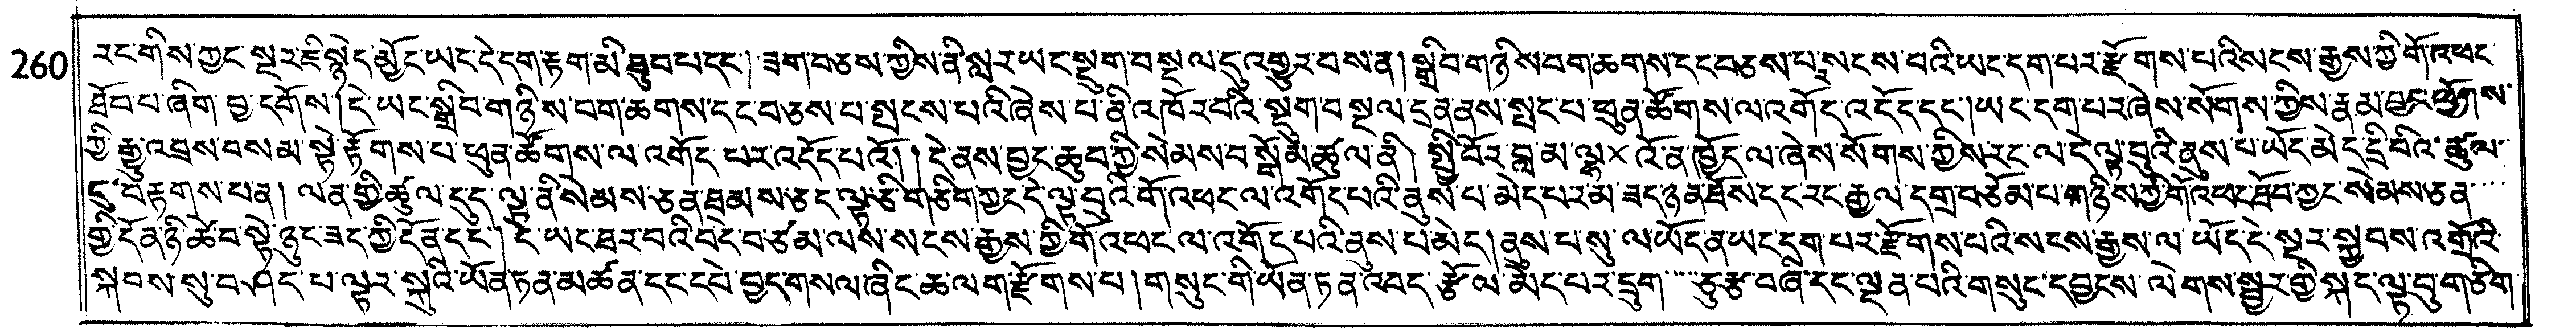རང་གིས་ཀྱང་སྔར་ཇི་སྙེད་མྱོང་ཡང་དེ་དག་རྟག་མི་ཐུབ་པ་དང་། ཟག་བཅས་ཀྱིས་ནི་སླར་ཡང་སྡུག་བསྔལ་དུ་འགྱུར་བས་ན། སྒྲིབ་གཉིས་བག་ཆགས་དང་བཅས་པར་སངས་བའི་ཡང་དག་པར་རྫོགས་པའི་སངས་རྒྱས་ཀྱི་གོ་འཕང་
ཐོབ་པ་ཞིག་བྱ་དགོས། དེ་ཡང་སྒྲིབ་གཉིས་བག་ཆགས་དང་བཅས་པ་སྤངས་པའི་ཞེས་པ་ནི་འཁོར་བའི་སྡུག་བསྔལ་དྲན་ནས་སྤང་པ་ཕུན་ཚོགས་ལ་འགོད་འདོད་དང་། ཡང་དག་པར་ཞེས་སོགས་ཀྱིས་རྣམ་བྱང་ཕྱོགས་
ཀྱི་རྒྱུ་འབྲས་བསམ་སྟེ་རྟོགས་པ་ཕུན་ཚོགས་ལ་འགོད་པར་འདོད་པའོ། །དེ་ནས་བྱང་ཆུབ་ཀྱི་སེམས་བསྒོམ་ཚུལ་ནི། སྤྱི་བོར་བླ་མ་ལྷ་འོ་ན་ཁྱོད་ལ་ཞེས་སོགས་ཀྱིས་རང་ལ་དེ་ལྟ་བུའི་ནུས་པ་ཡོད་མེད་དྲི་བའི་ཚུལ་
དུ་བརྟགས་པ་ན། ལན་གྱི་ཚུལ་དུ་ད་ལྟ་ནི་སེམས་ཅན་ཐམས་ཅད་ལྟ་ཅི་གཅིག་ཀྱང་དེ་ལྟ་བུའི་གོ་འཕང་ལ་འགོད་པའི་ནུས་པ་མེད་པར་མ་ཟད་ཉན་ཐོས་དང་རང་རྒྱལ་དགྲ་བཅོམ་པ་གཉིས་ཀྱི་གོ་འཕང་ཐོབ་ཀྱང་སེམས་ཅན་
གྱི་དོན་ཉི་ཚེ་བ་སྟེ་ཉུང་ཟད་ཀྱི་དོན་དང་། དེ་ཡང་ཐར་བའི་བདེ་བ་ཙམ་ལས་སངས་རྒྱས་ཀྱི་གོ་འཕང་ལ་འགོད་པའི་ནུས་པ་མེད། ནུས་པ་སུ་ལ་ཡོད་ན་ཡང་དག་པར་རྫོགས་པའི་སངས་རྒྱས་ལ་ཡོད་དེ་སྔར་སྐྱབས་འགྲོའི་
སྐབས་སུ་བཤད་པ་ལྟར་སྐུའི་ཡོན་ཏན་མཚན་དང་དཔེ་བྱད་གསལ་ཞིང་ཆ་ལག་རྫོགས་པ། གསུང་གི་ཡོན་ཏན་འབད་རྩོལ་མེད་པར་དྲུག་ཅུ་རྩ་བཞི་དང་ལྡན་པའི་གསུང་དབྱངས་ལེགས་སྦྱར་གྱི་སྐད་ལྟ་བུ་གཅིག་